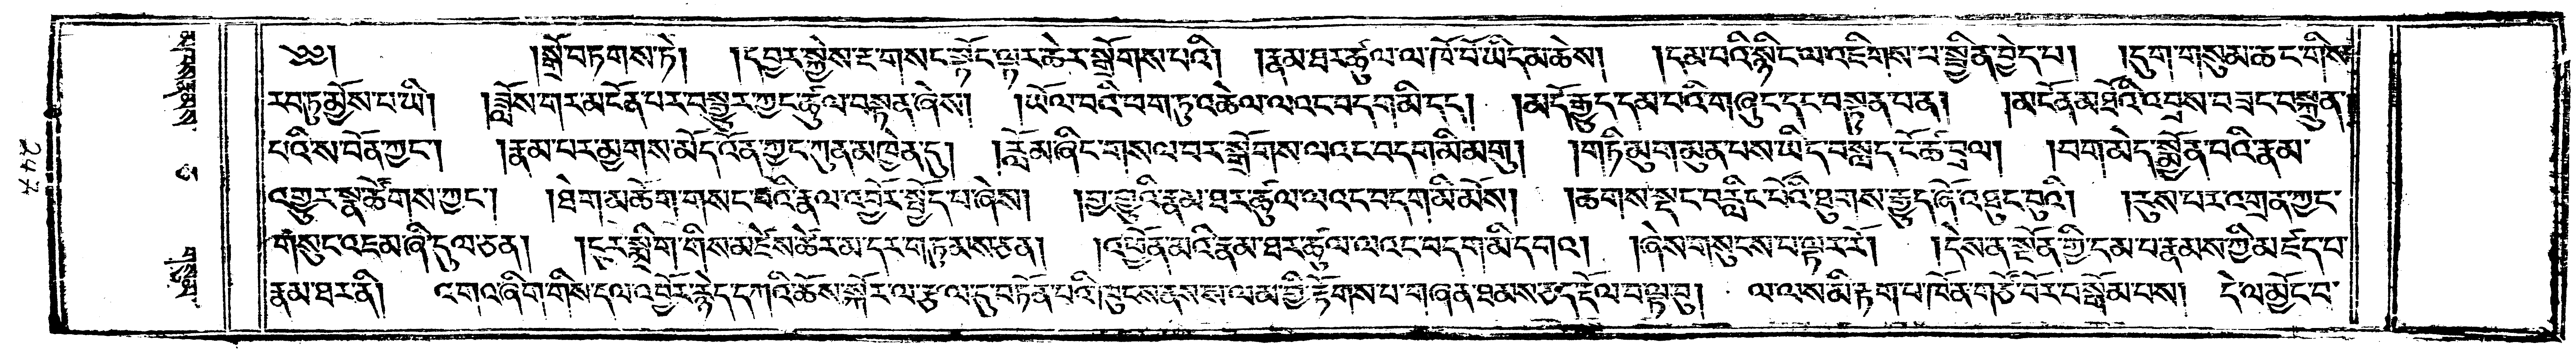༄༅། །སྒྲོ་བཏགས་ཏེ། །དབྱར་སྐྱེས་རྔ་གསང་སྟོང་ལྟར་ཆེར་སྒྲོགས་བའི། །རྣམ་ཐར་ཚུལ་ལ་ཁོ་བོ་ཡིད་མཆེས། །དམ་པའི་སྙིང་ལ་འཇིགས་པ་སྦྱིན་བྱེད་པ། །དུག་གསུམ་ཆང་གིས་
རབ་ཏུ་མྱོས་པ་ཡི། །ཟློས་གར་མངོན་པར་བསྒྱུར་ཀྱང་ཚུལ་བསྟན་ཞེས། །ཡོལ་བའི་ཕག་ཏུ་འཆེལ་ལའང་བདག་མི་དད། །མདོ་རྒྱུད་དམ་པའི་གཞུང་དང་བསྟུན་པ་ན། །མངོན་མཐོའི་འབྲས་བཟང་བསྐྲུན་
པའི་ས་བོན་ཀྱང་། །རྣམ་པར་མྱགས་མདོ་འོན་ཀྱང་ཀུན་མཁྱེན་དུ། །རློམ་ཞིང་གསལ་བར་སྒྲོགས་ལའང་བདག་མི་མགུ། །གཏི་མུག་མུན་པས་ཡིད་བསླད་ངོ་ཚ་བྲལ། །བག་མེད་སྨྱོན་པའི་རྣམ་
འགྱུར་སྣ་ཚོགས་ཀྱང་། །ཐེག་མཆོག་གསང་བའི་རྣལ་འབྱོར་སྤྱོད་པ་ཞེས། །གྱ་གུའི་རྣམ་ཐར་ཚུལ་ལའང་བདག་མི་མོས། །ཆགས་སྡང་བ་རླིང་པོའི་ཐུགས་རྒྱུད་ཞོ་འཐུང་བུའི། །རུས་པར་འགྲན་ཀྱང་
གསུང་འཇམ་ཞི་དུལ་ཙན། །དུར་སྨྲིག་གིས་མཛེས་ཚེར་མ་དར་གཏུམ་ཅན། །འཕྱོན་མའི་རྣམ་ཐར་ཚུལ་ལའང་བདག་མི་དགའ། །ཞེས་གསུངས་བ་ལྟར་རོ། །དེས་ན་སྔོན་གྱི་དམ་པ་རྣམས་ཀྱི་མཛད་པ་
རྣམ་ཐར་ནི། འགའ་ཞིག་གིས་དལ་འབྱོར་རྙེད་དཀའི་ཆོས་སྐོར་ལ་རྩལ་དུ་བཏོན་པའི་ཁུངས་ནས་ས་ལམ་གྱི་རྟོགས་པ་གཞན་ཐམས་ཅད་རྡོལ་བལྟ་བུ། ལ་ལས་མི་རྟག་པ་ཁོ་ན་གཙོ་བོར་བསྒོམ་པས། དེ་ལ་མྱོང་བ་